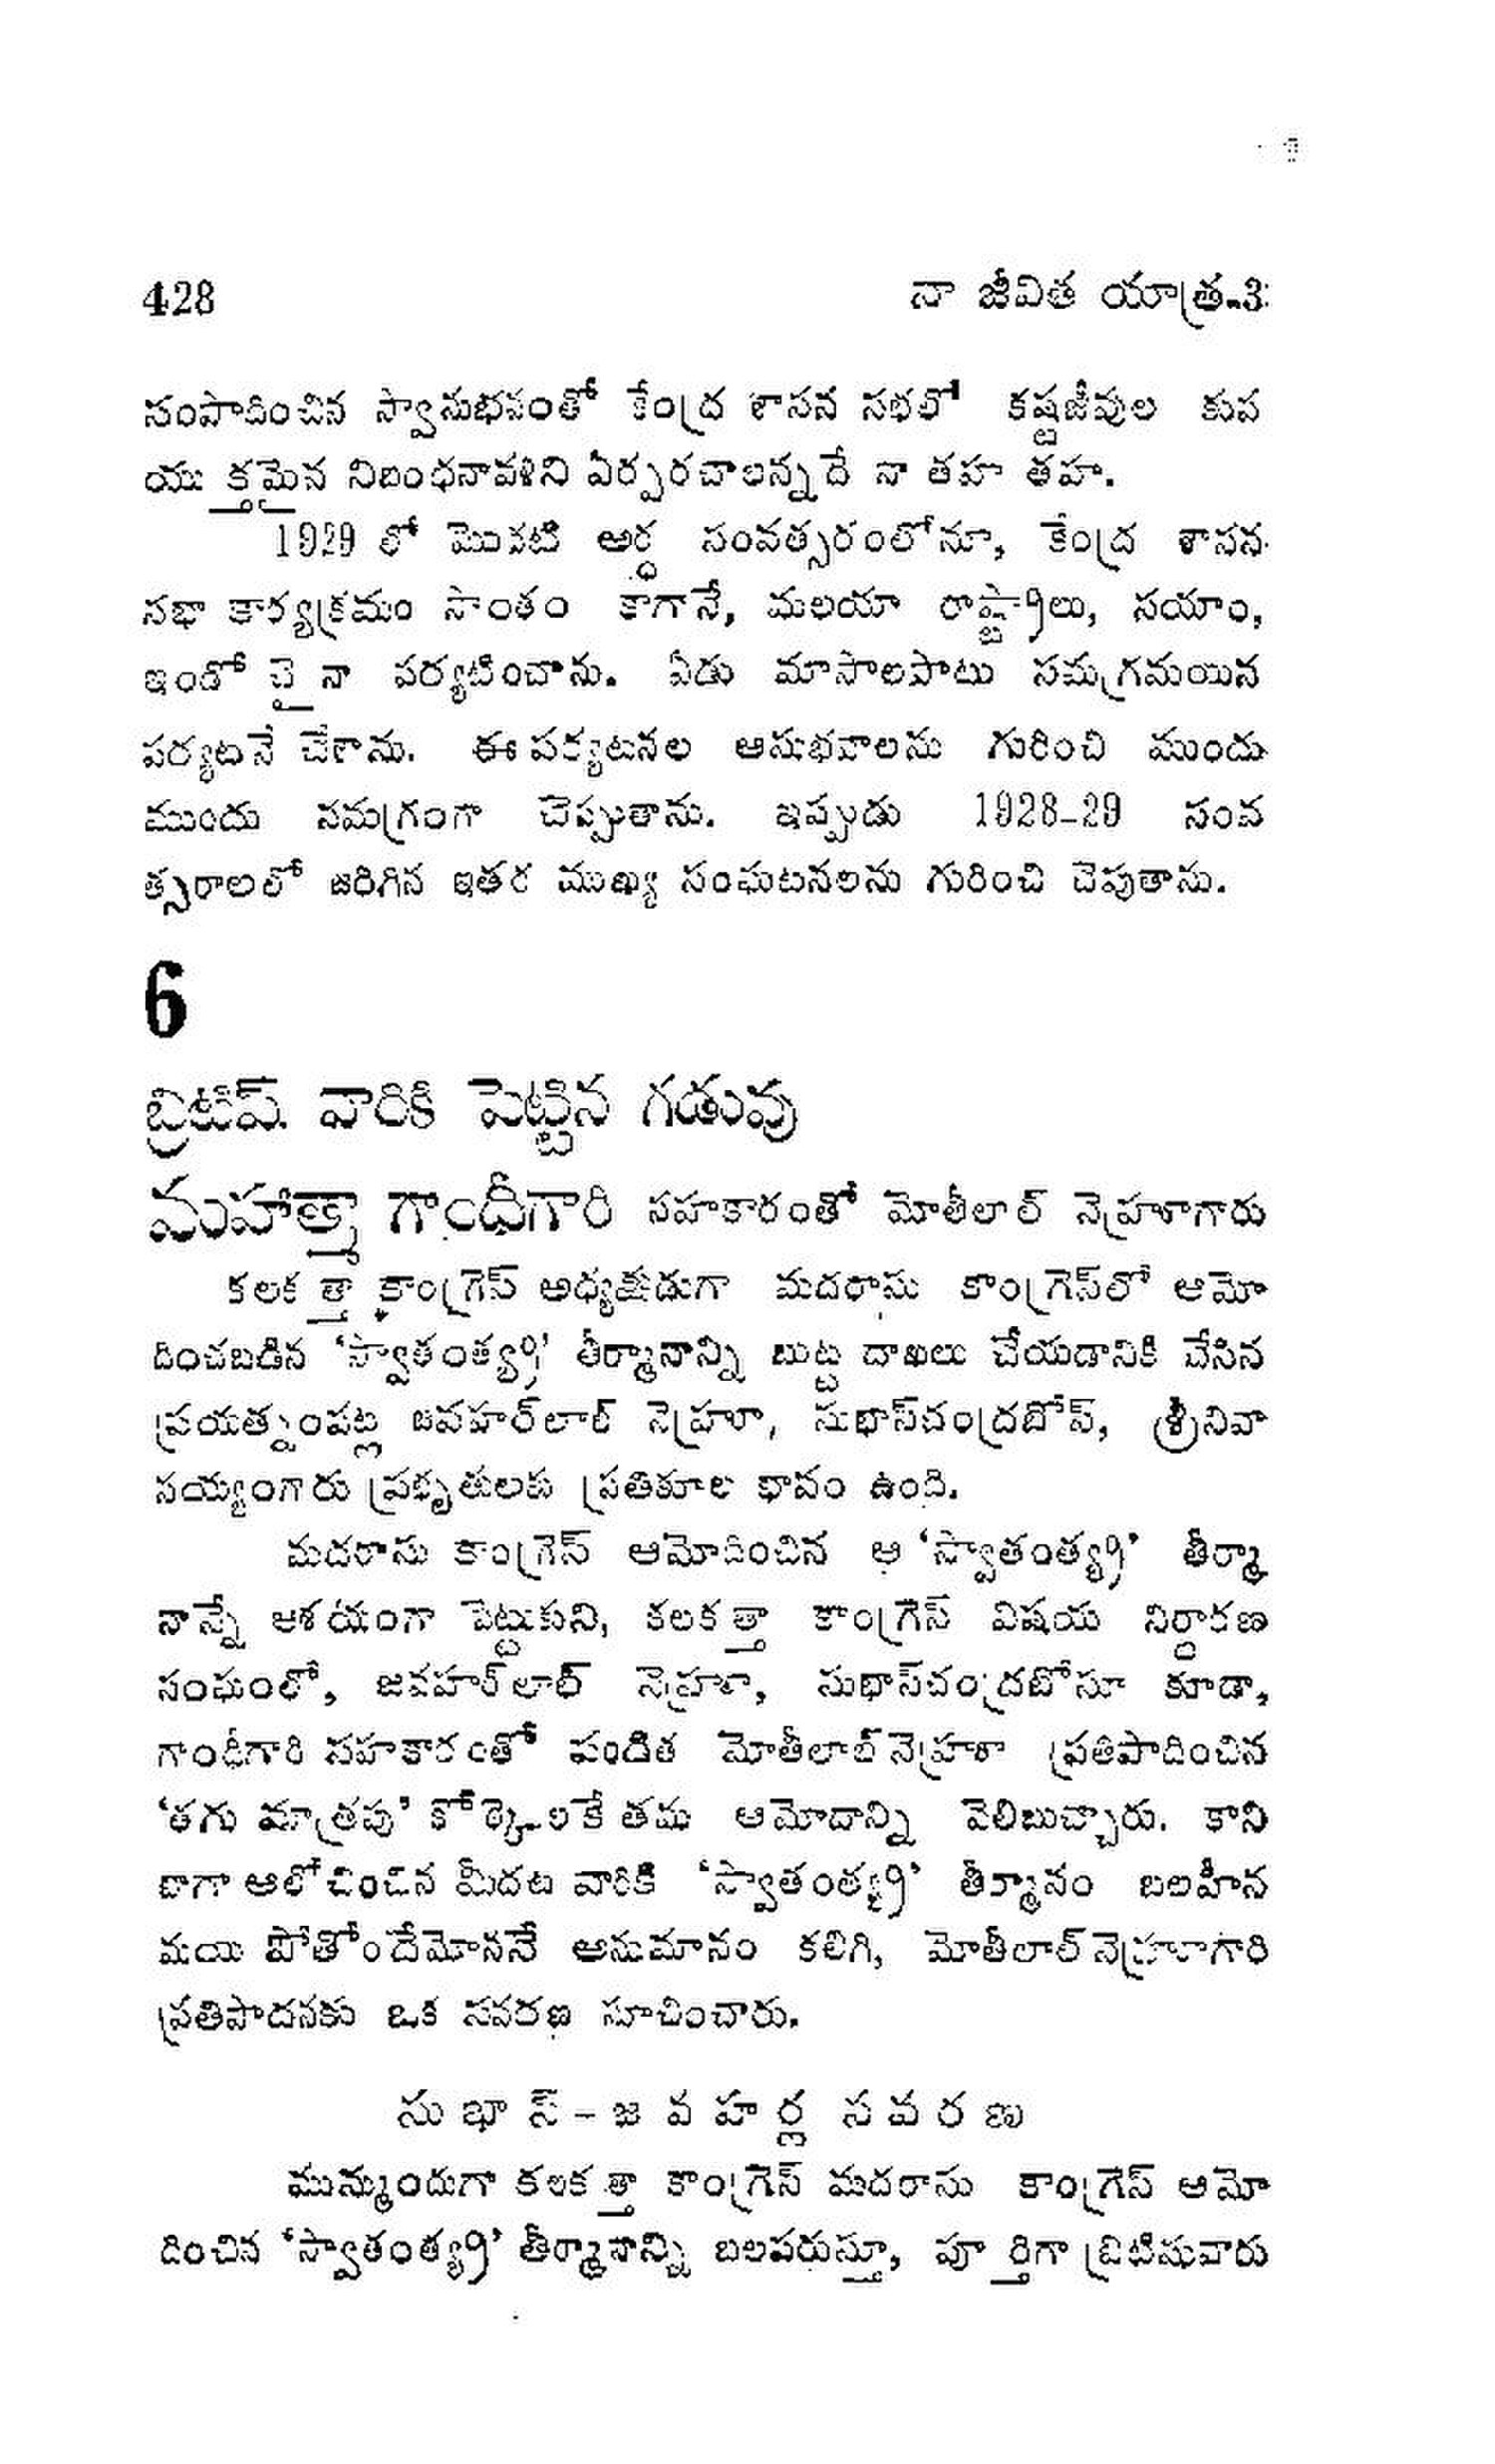సంపాదించిన స్వానుభవంతో కేంద్ర శాసన సభలో కష్టజీవుల కుపయుక్తమైన నిబంధనావళిని ఏర్పరచాలన్నదే నా తహ తహ.

1929 లో మొదటి అర్ద సంవత్సరంలోనూ, కేంద్ర శాసన సభా కార్యక్రమం సాంతం కాగానే, మలయా రాష్ట్రాలు, సయాం, ఇండో చైనా పర్యటించాను. ఏడు మాసాలపాటు సమగ్రమయిన పర్యటన చేశాను. ఈ పర్యటనల అనుభవాలను గురించి ముందు ముందు సమగ్రంగా చెప్పుతాను. ఇప్పుడు 1928 - 29 సంవత్సరాలలో జరిగిన ఇతర ముఖ్య సంఘటనలను గురించి చెపుతాను.

మహాత్మా గాంధీగారి సహకారంతో మోతీలాల్ నెహ్రూగారు కలకత్తా కాంగ్రెస్ అధ్యక్షుడుగా మదరాసు కాంగ్రెస్‌లో ఆమోదించబడిన 'స్వాతంత్ర్య' తీర్మానాన్ని బుట్ట దాఖలు చేయడానికి చేసిన ప్రయత్నంపట్ల జవహర్‌లాల్ నెహ్రూ, సుభాస్‌చంద్రబోస్, శ్రీనివాసయ్యంగారు ప్రభృతులకు ప్రతికూల భావం ఉంది.

మదరాసు కాంగ్రెస్ ఆమోదించిన అ 'స్వాతంత్ర్య' తీర్మానాన్నే ఆశయంగా పెట్టుకుని, కలకత్తా కాంగ్రెస్ విషయ నిర్దారణ సంఘంలో, జవహర్‌లాల్ నెహ్రూ, సుభాస్‌చంద్రబోసూ కూడా, గాంధీగారి సహకారంతో పండిత మోతీలాల్‌నెహ్రూ ప్రతిపాదించిన 'తగు మాత్రపు' కోర్కెలకే తమ ఆమోదాన్ని వెలిబుచ్చారు. కాని బాగా ఆలోచించిన మీదట వారికి 'స్వాతంత్ర్య' తీర్మానం బలహీనమయి పోతోందేమోననే అనుమానం కలిగి, మోతీలాల్‌నెహ్రూగారి ప్రతిపాదనకు ఒక సవరణ సూచించారు.

మున్ముందుగా కలకత్తా కాంగ్రెస్ మదరాసు కాంగ్రెస్ ఆమోదించిన 'స్వాతంత్ర్య' తీర్మానాన్ని బలపరుస్తూ, పూర్తిగా బ్రిటిషువారు